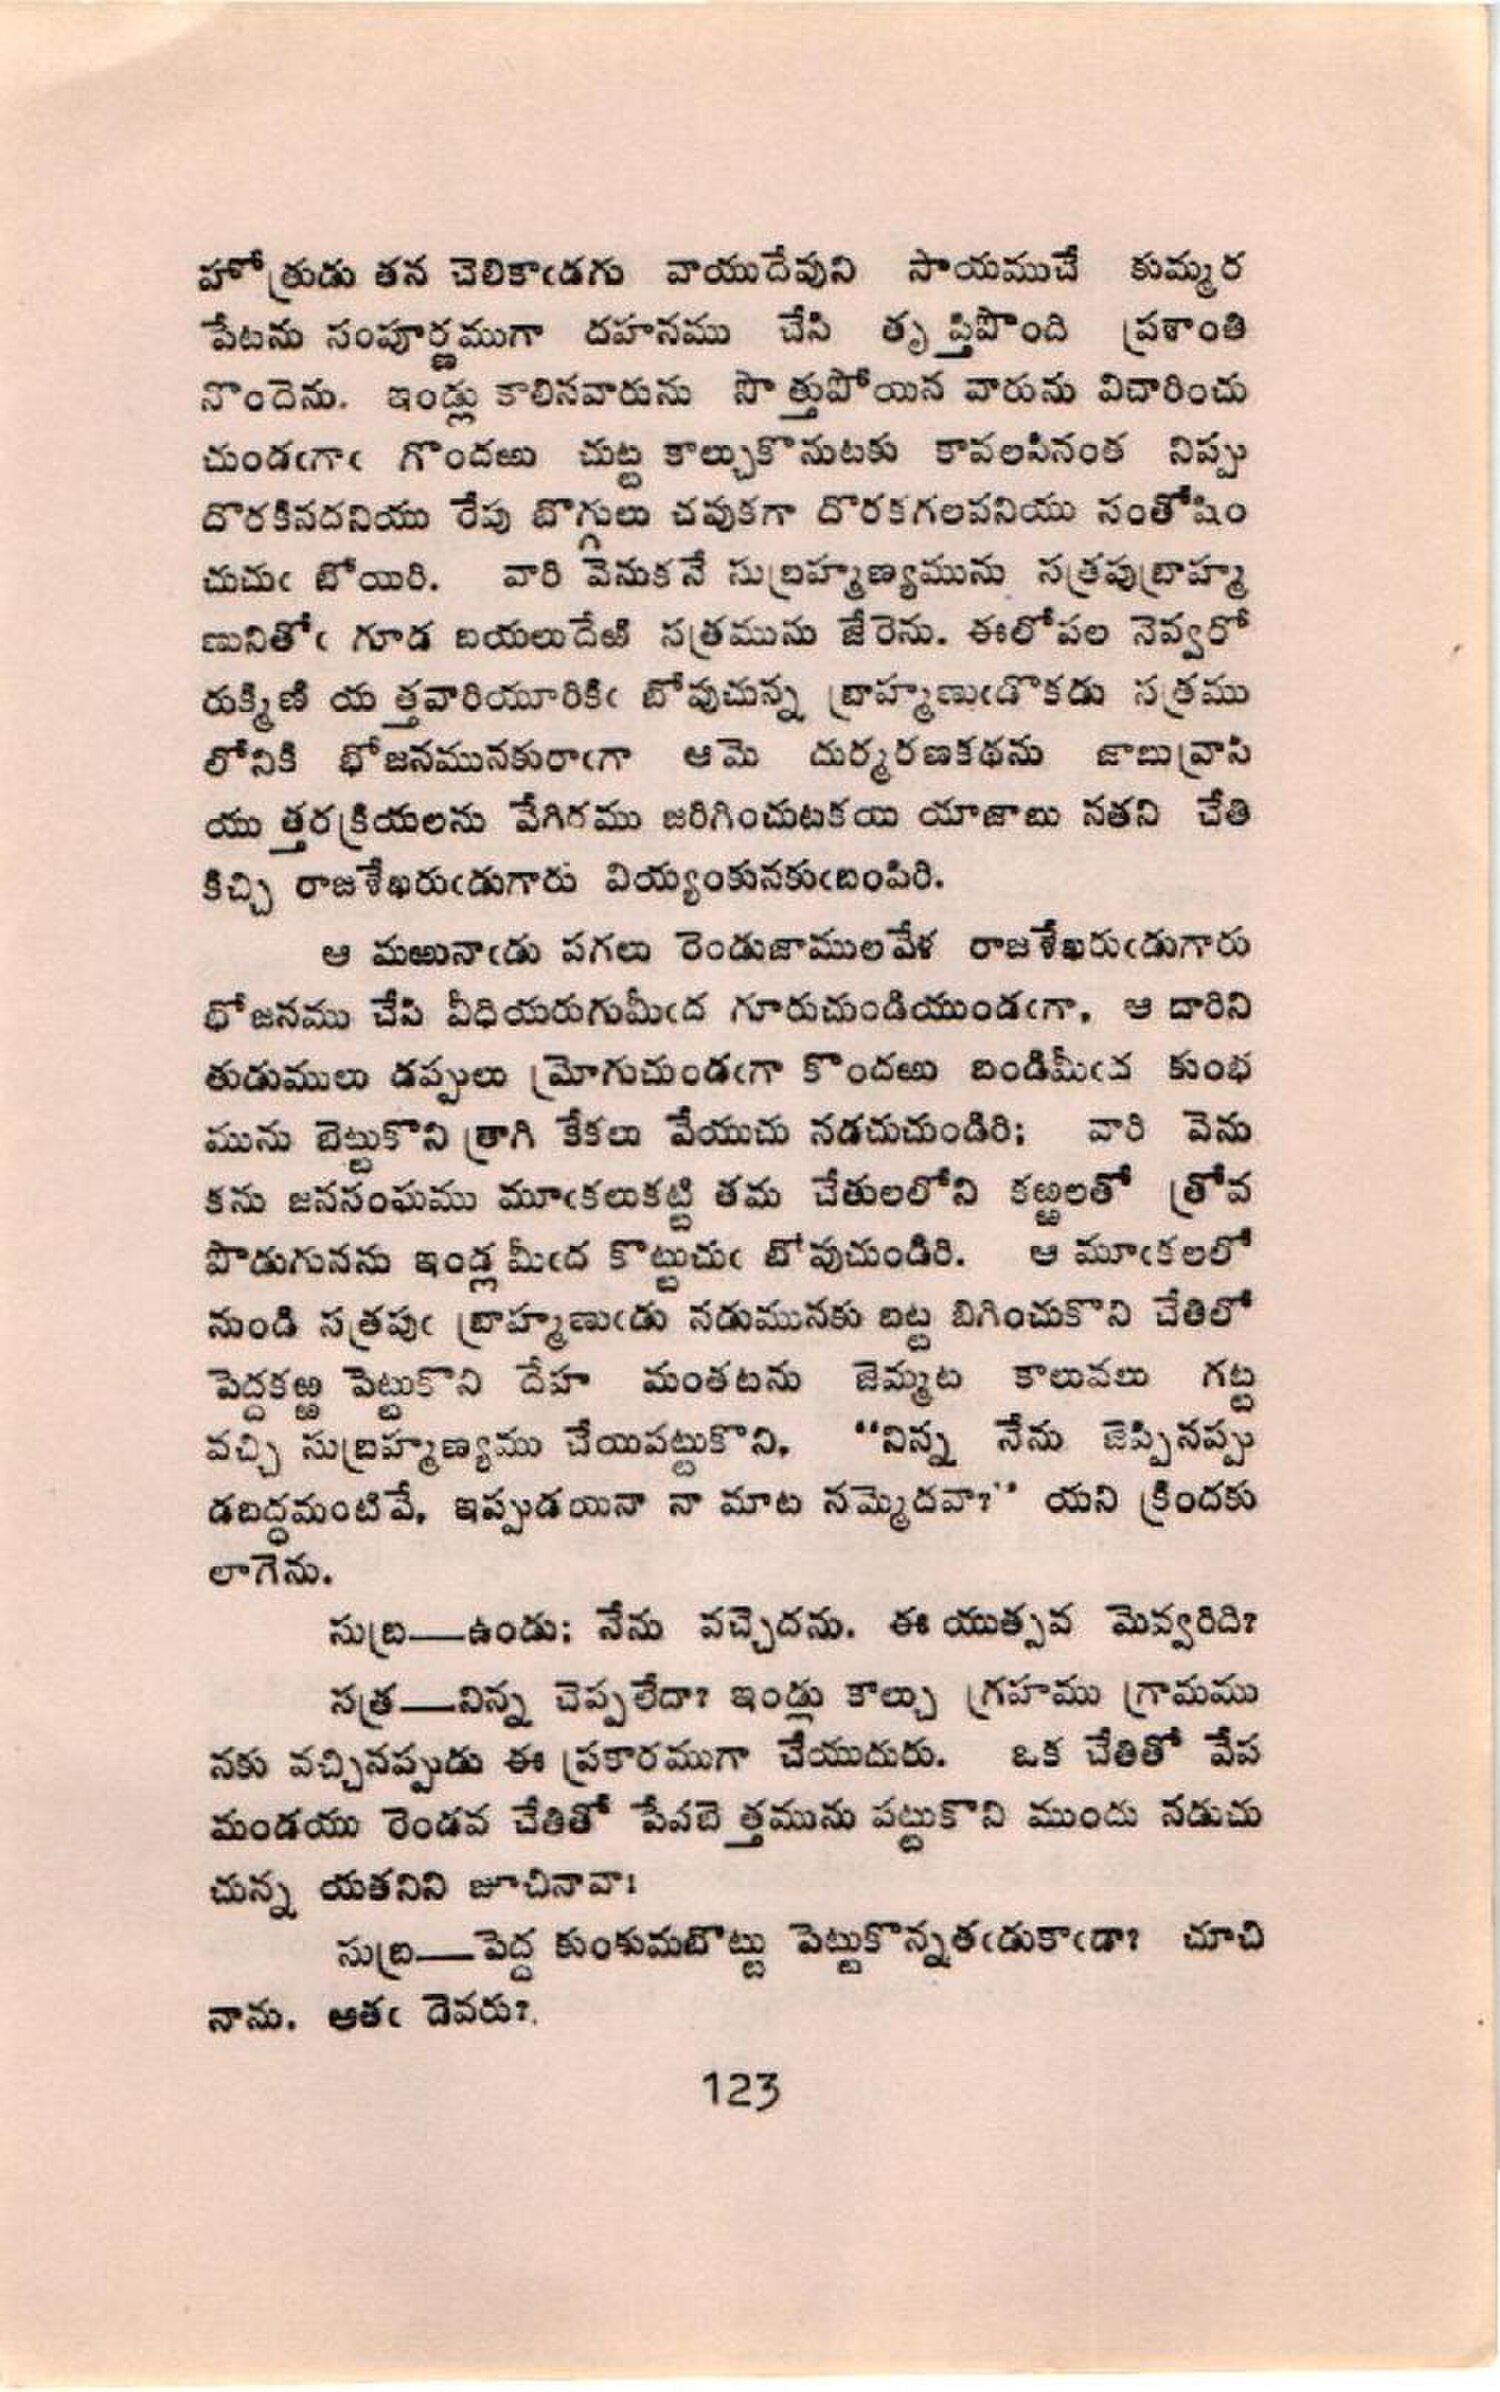హోత్రుడు తన చెలికాఁడగు వాయుదేవుని సాయముచే కుమ్మర పేటను సంపూర్ణముగా దహనము చేసి తృప్తిపొంది ప్రశాంతి నొందెను. ఇండ్లు కాలినవారును సొత్తుపోయిన వారును విచారించు చుండఁగాఁ గొందఱు చుట్ట కాల్చుకొనుటకు కావలసినంత నిప్పు దొరకినదనియు రేపు బొగ్గులు చవకగా దొరకగలవనియు సంతోషిం చుచుఁ బోయిరి. వారి వెనుకనే సుబ్రహ్మణ్యమును సత్రపు బ్రాహ్మ ణునితోఁ గూడ బయలుదేఱి సత్రమును జేరెను. ఈలోపల నెవ్వరో రుక్మిణి యత్తవారియూరికిఁ బోవుచున్న బ్రాహ్మణుడొకడు సత్రము లోనికి భోజనమునకురాగా ఆమె దుర్మరణకథను జాబు వ్రాసి యు త్తరక్రియలను వేగిరము జరిగించుటకయి యాజాబు నతని చేతి కిచ్చి రాజశేఖరుఁడుగారు వియ్యంకునకుఁబంపిరి.

ఆ మఱునాఁడు పగలు రెండుజాములవేళ రాజశేఖరుడుగారు భోజనము చేసి వీధియరుగుమీఁద గూరుచుండియుండఁగా, ఆ దారిని తుడుములు డప్పులు మ్రోగుచుండఁగా కొందఱు దిండిమీఁద కుంభ మును బెట్టుకొని త్రాగి కేకలు వేయుచు నడచుచుండిరి; వారి వెను కను జనసంఘము మూఁకలకట్టి తమ చేతులలోని కఱ్ఱలతో త్రోవ పొడుగునను ఇండ్ల మీద కొట్టుచు బోవుచుండిరి. ఆ మూఁకలలో నుండి సత్రపుఁ బ్రాహ్మణుఁడు నడుమునకు బట్ట బిగించుకొని చేతిలో పెద్దకఱ్ఱ పెట్టుకొని దేహ మంతటను జెమ్మట కాలువలు గట్ట వచ్చి సుబ్రహ్మణ్యము చేయి పట్టుకొని, "నిన్న నేను జెప్పినప్పు డబద్ధమంటివే, ఇప్పుడయినా నా మాట నమ్మెదవా?" యని క్రిందకు లాగెను.

సుబ్ర__ఉండు; నేను వచ్చెదను. ఈ యుత్సవ మెవ్వరిది? 

సత్ర__నిన్న చెప్పలేదా? ఇండ్లు కాల్చు గ్రహము గ్రామము నకు వచ్చినప్పుడు ఈ ప్రకారముగా చేయుదురు. ఒక చేతితో వేప మండయు రెండవ చేతితో పేవబె త్తమును పట్టుకొని ముందు నడుచు చున్న యతనిని జూచినావా !

సుబ్ర__పెద్ద కుంకుమబొట్టు పెట్టుకొన్నతఁడుకాఁడా? చూచి నాను. ఆతఁ డెవరు?